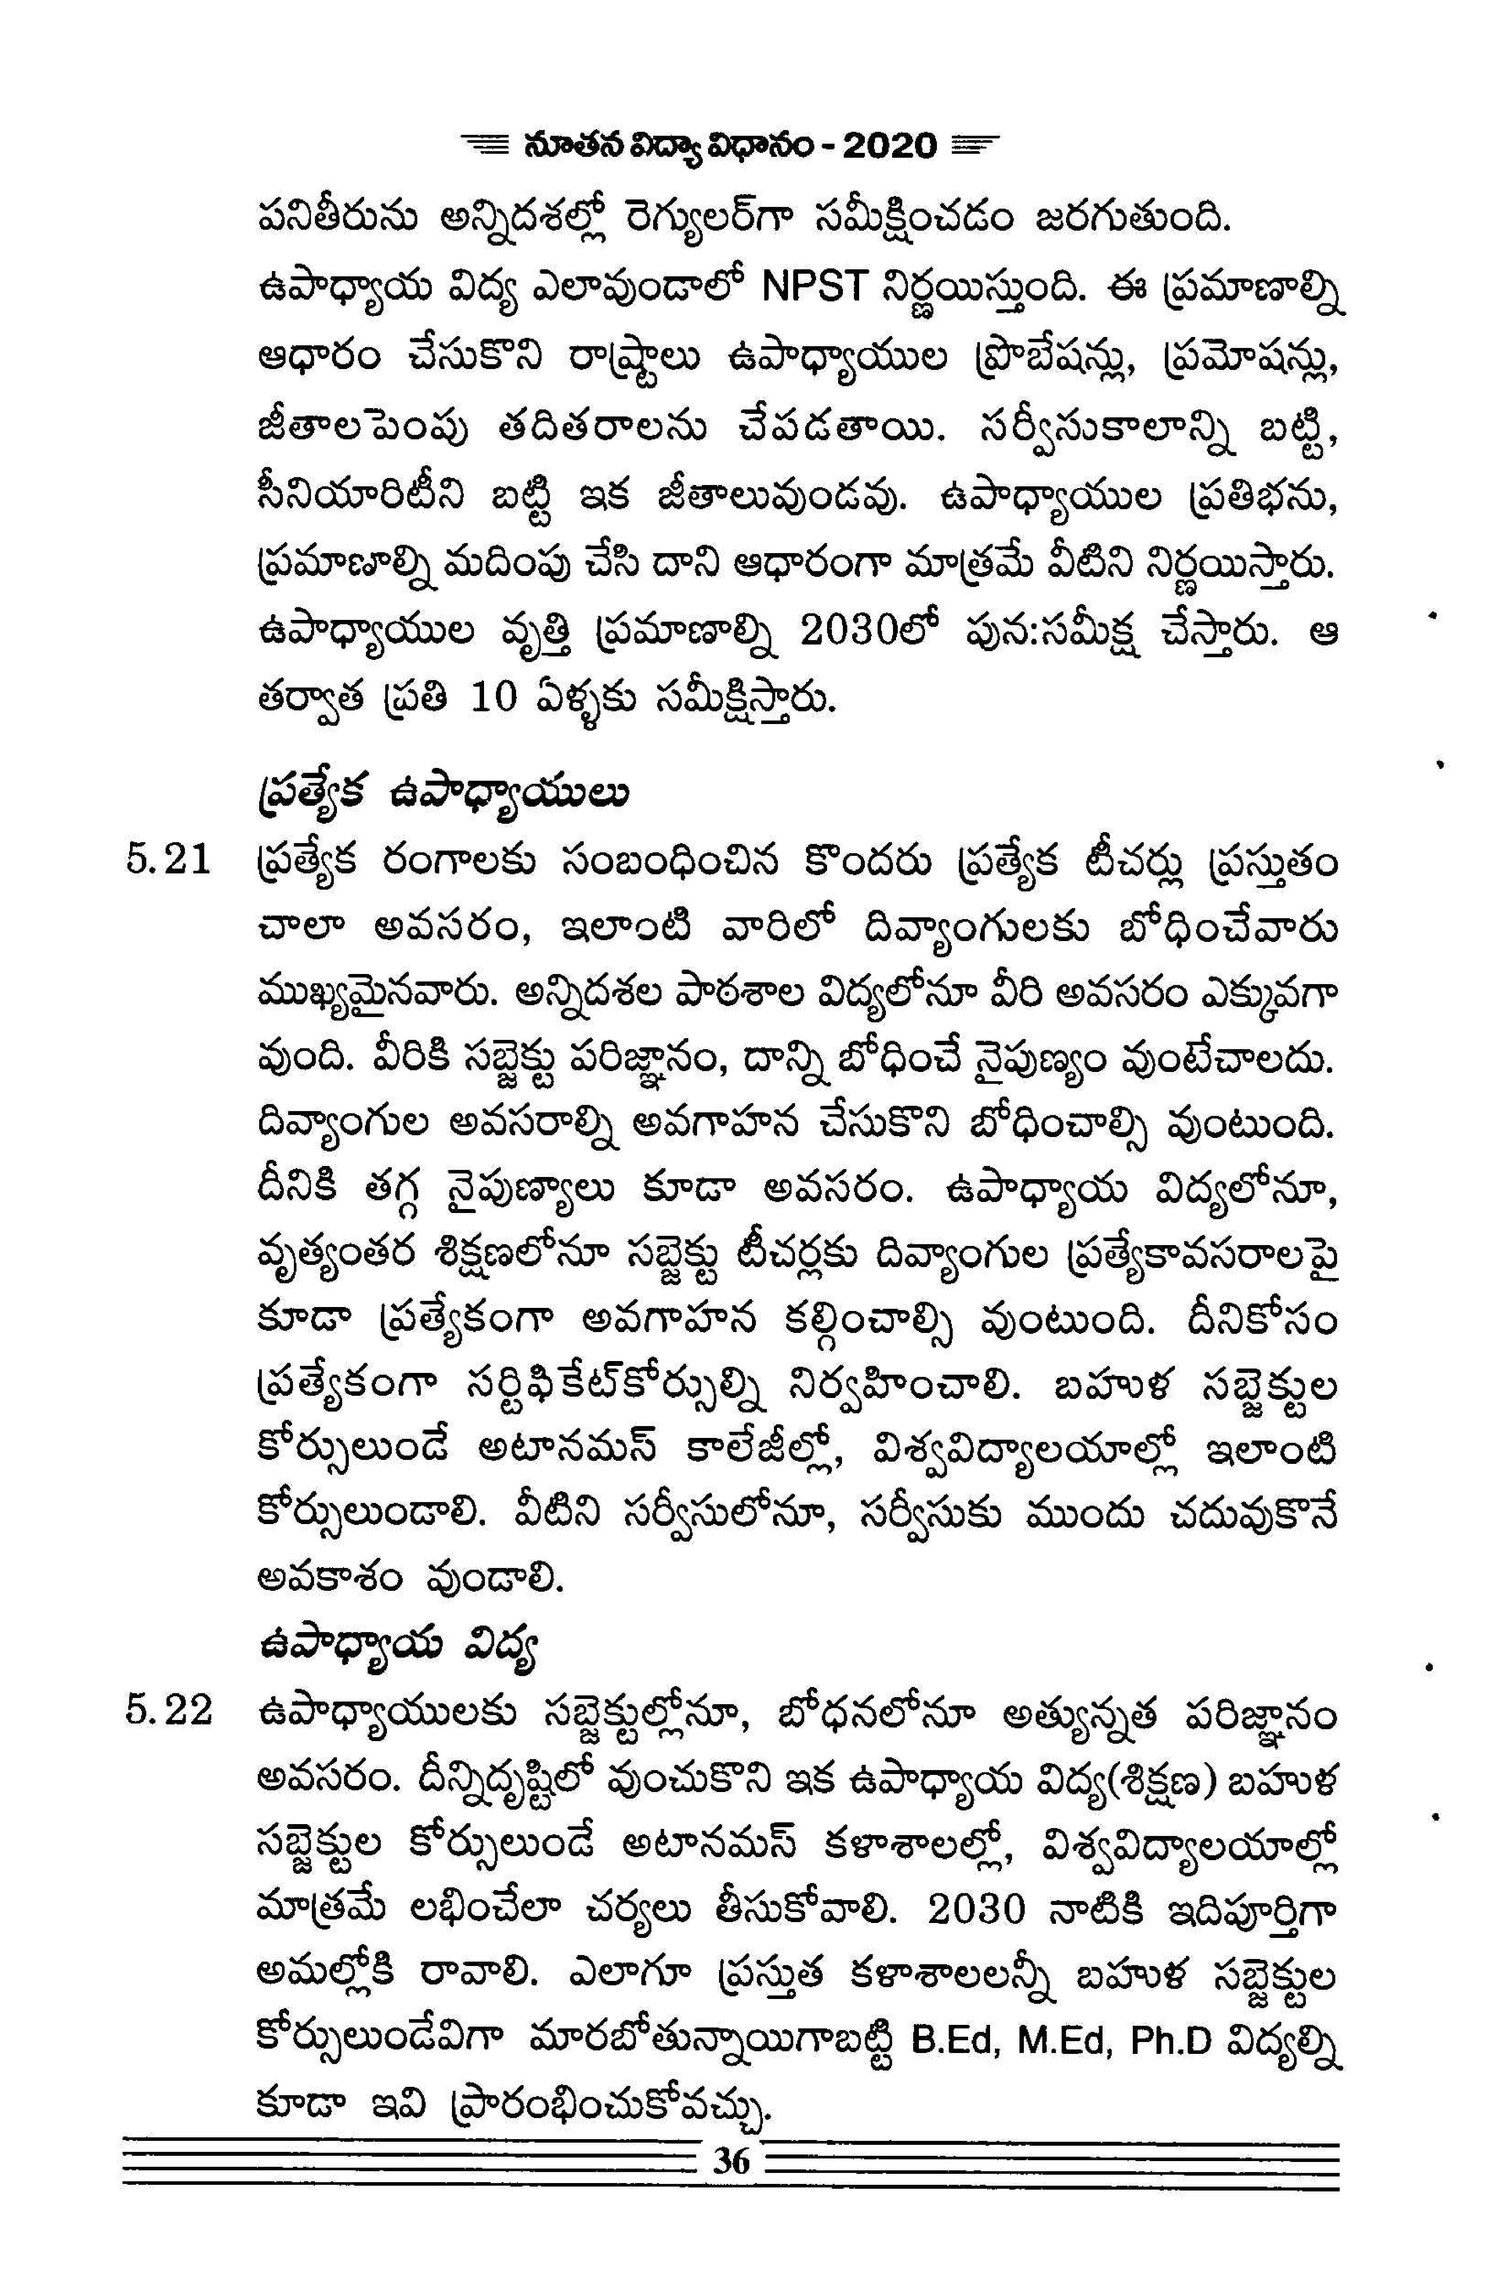పనితీరుపై సమీక్ష
ఉపాధ్యాయుల పనితీరును అన్నీ దశల్లో సక్రమంగా, రెగ్యులర్‌గా సమీక్షించాలి. ఉపాధ్యాయ విద్య ఎలా ఉండాలో NPST (National Professional Standards for Teachers) నిర్ణయిస్తుంది. ఈ ప్రమాణాల ఆధారంగా రాష్ట్రాలు ఉపాధ్యాయుల ప్రొబేషన్‌లు, ప్రమోషన్‌లు, జీతాల పెంపు వంటి అంశాలను నిర్ణయించాలి. ఇకపై కేవలం సేవా కాలాన్ని లేదా సీనియారిటీని బట్టి జీతాల్ని ఇవ్వరాదు. ఉపాధ్యాయుల ప్రతిభను, పనితీరు ప్రమాణాలను బట్టి మాత్రమే వీటిని నిర్ణయించాలి. ఉపాధ్యాయ వృత్తి ప్రమాణాలను 2030లో మొదటిసారిగా సమీక్ష చేసి, ఆ తరువాత ప్రతి పది సంవత్సరాలకు ఒకసారి పునః సమీక్ష చేయాలి.

ప్రత్యేక ఉపాధ్యాయులు
5.21 ప్రత్యేక అవసరాల గల రంగాలకు చెందిన ఉపాధ్యాయుల అవసరం పెరిగింది. ముఖ్యంగా దివ్యాంగులకు బోధించే ఉపాధ్యాయులు అన్ని దశల పాఠశాల విద్యలో చాలా అవసరం. వీరికి సబ్జెక్టు పరిజ్ఞానం ఉండటం సరిపోదు, దాన్ని బోధించే నైపుణ్యం కూడా అవసరం. అలాగే, దివ్యాంగుల ప్రత్యేక అవసరాలను అవగాహన చేసుకొని బోధించే సామర్థ్యం అవసరం. దీనికోసం ఉపాధ్యాయ విద్యలోనూ, వృత్యంతర శిక్షణలోనూ ఉపాధ్యాయులకు ఈ అంశాలపై అవగాహన కల్పించాలి. ప్రత్యేకంగా సర్టిఫికేట్ కోర్సులు నిర్వహించాలి. బహుళ సబ్జెక్టు కోర్సులున్న అటానమస్ కాలేజీలు, విశ్వవిద్యాలయాల్లో ఈ కోర్సులు అందుబాటులో ఉండాలి. వీటిని ఉపాధ్యాయులు సర్వీసులో ఉన్నప్పటికీ లేదా సర్వీసులోకి రాకముందే చదివే అవకాశం ఉండాలి.

ఉపాధ్యాయ విద్య
5.22 ఉపాధ్యాయులకు సబ్జెక్టుల్లోనూ, బోధనలోనూ అత్యున్నత పరిజ్ఞానం అవసరం. ఈ దృష్టితో ఇకపై ఉపాధ్యాయ విద్య (శిక్షణ) బహుళ సబ్జెక్టులున్న అటానమస్ కళాశాలల్లో లేదా విశ్వవిద్యాలయాల్లో మాత్రమే అందించాలి. 2030 నాటికి ఈ విధానం పూర్తిగా అమలులోకి రావాలి. ఎప్పటినుంచో ఉన్న ప్రణాళిక ప్రకారం ప్రస్తుత కళాశాలలన్నీ బహుళ సబ్జెక్టు కోర్సులతో రూపొందించబడుతున్నాయి కనుక, వీటిలో B.Ed., M.Ed., Ph.D. వంటి కోర్సులనూ ప్రారంభించాలి.